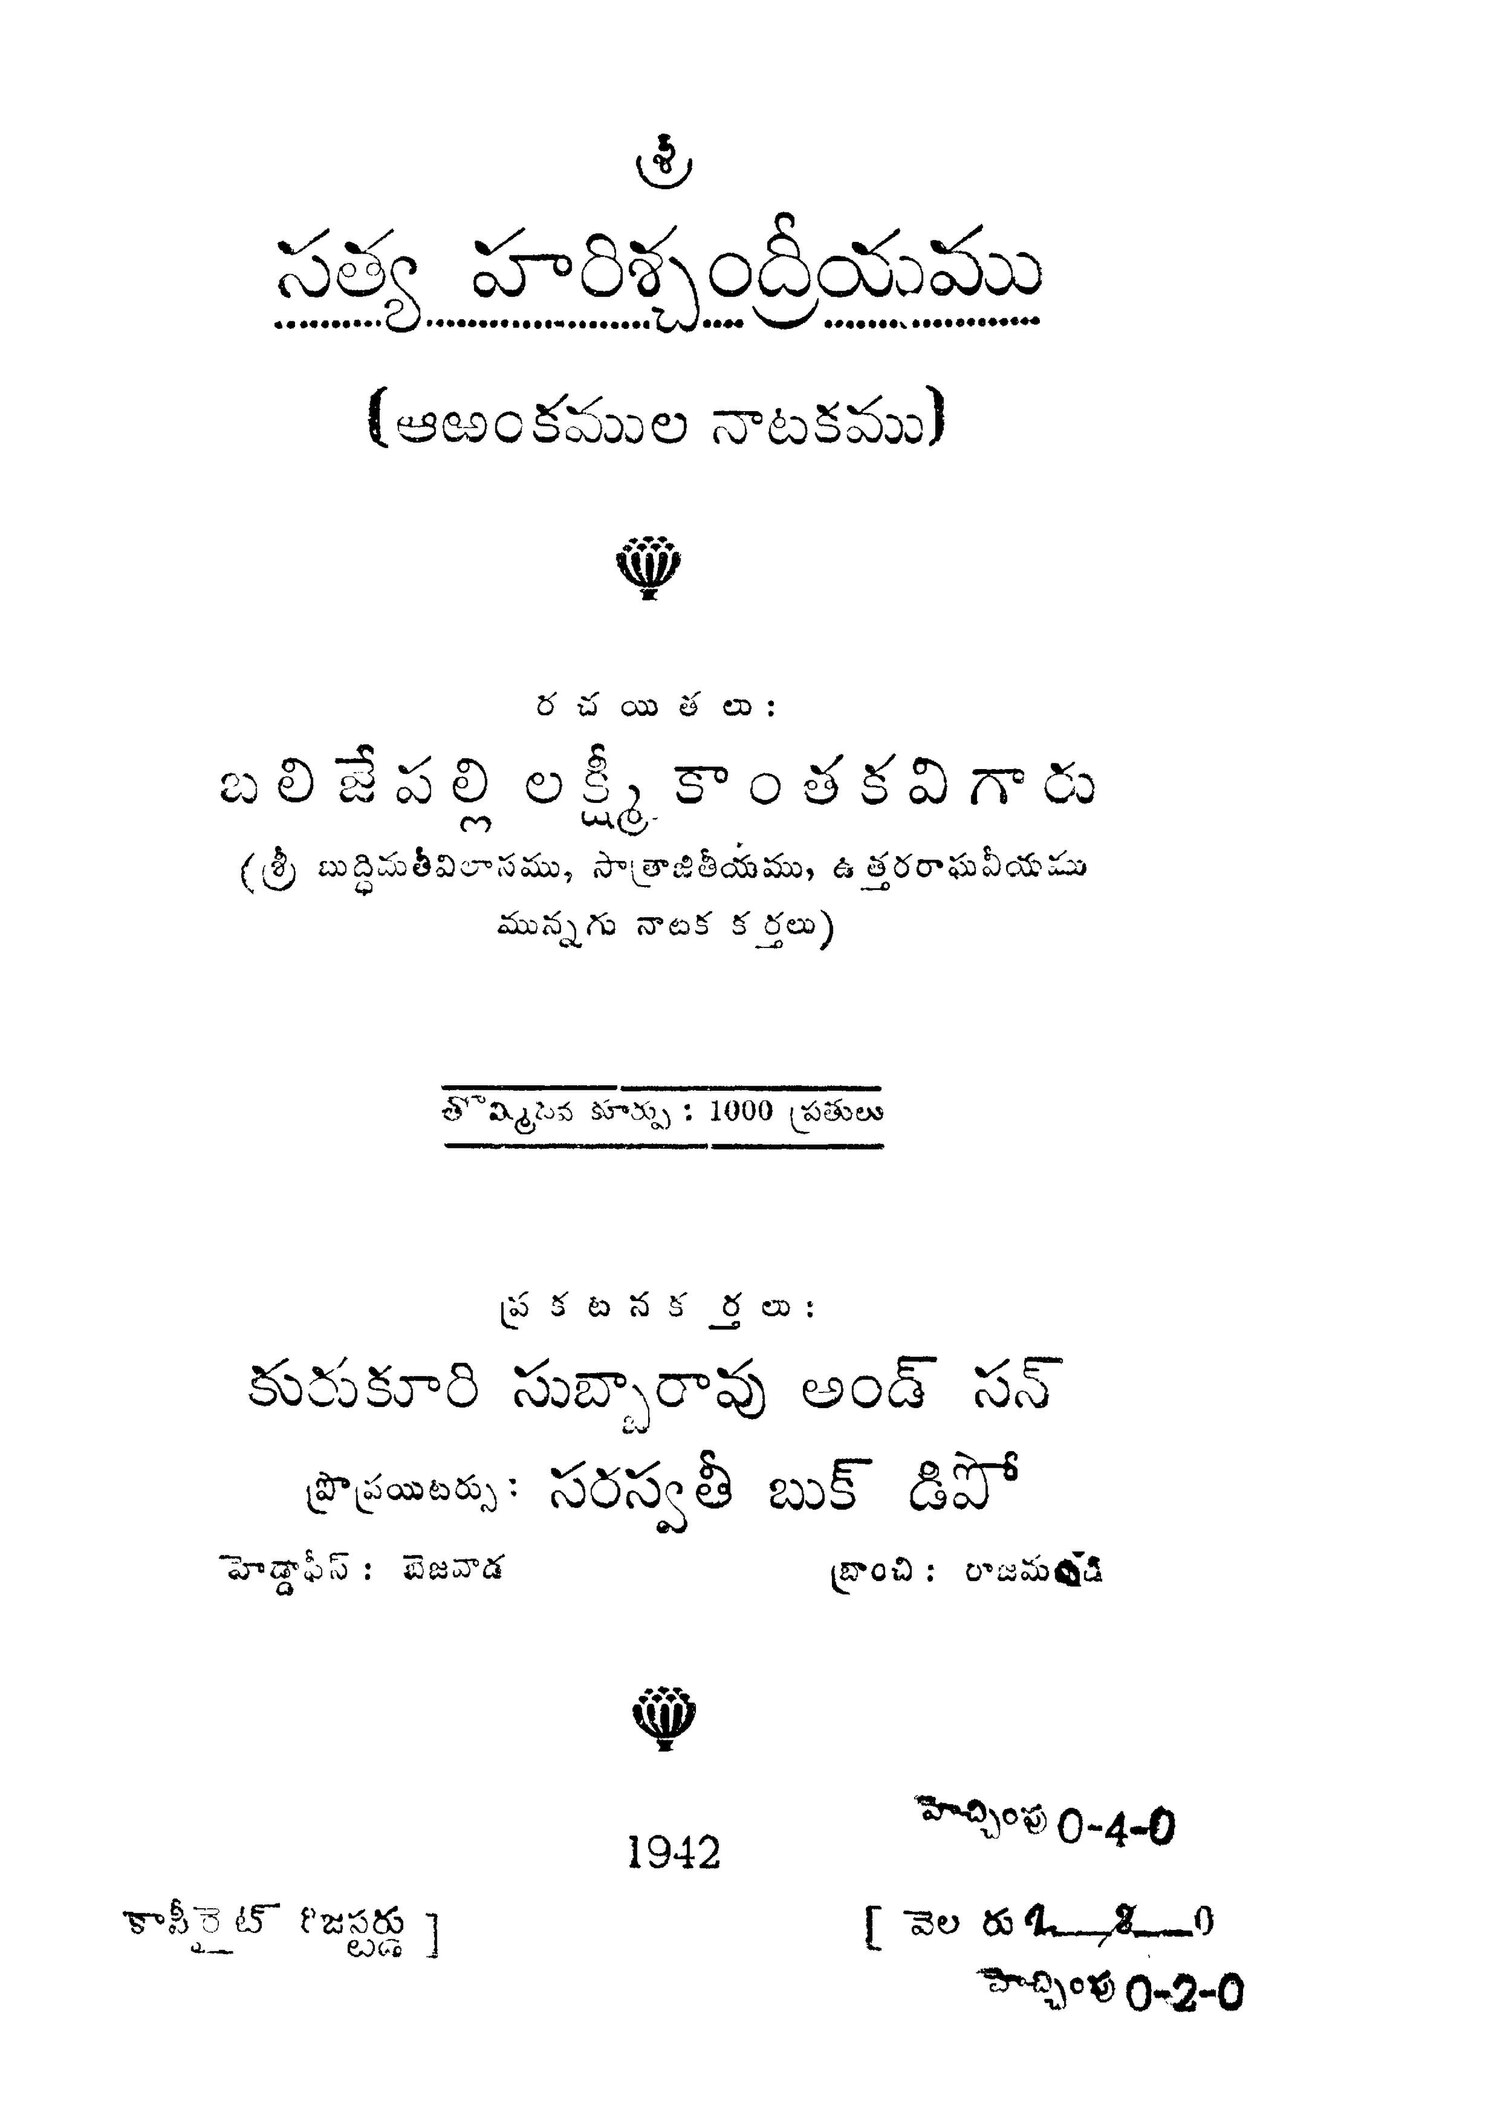శ్రీ

సత్య హరిశ్చంద్రీయము

(ఆఱంకముల నాటకము)

రచయితలు:

బలిజేపల్లి లక్ష్మీకాంతకవిగారు

(శ్రీ బుద్ధిమతీవిలాసము, సాత్రాజితీయము, ఉత్తరరాఘవీయము మున్నగు నాటక కర్తలు)

తొమ్మిదవ కూర్పు : 1000 ప్రతులు

ప్రకటనకర్తలు :

కురుకూరి సుబ్బారావు అండ్ సన్

ప్రొప్రయిటర్సు : సరస్వతీ బుక్ డిపో

హెడ్డాఫీస్ : బెజవాడ బ్రాంచి : రాజమండ్రి

1942

కాపీరైటు రిజిష్టర్డు వెల : 0 - 2 - 0